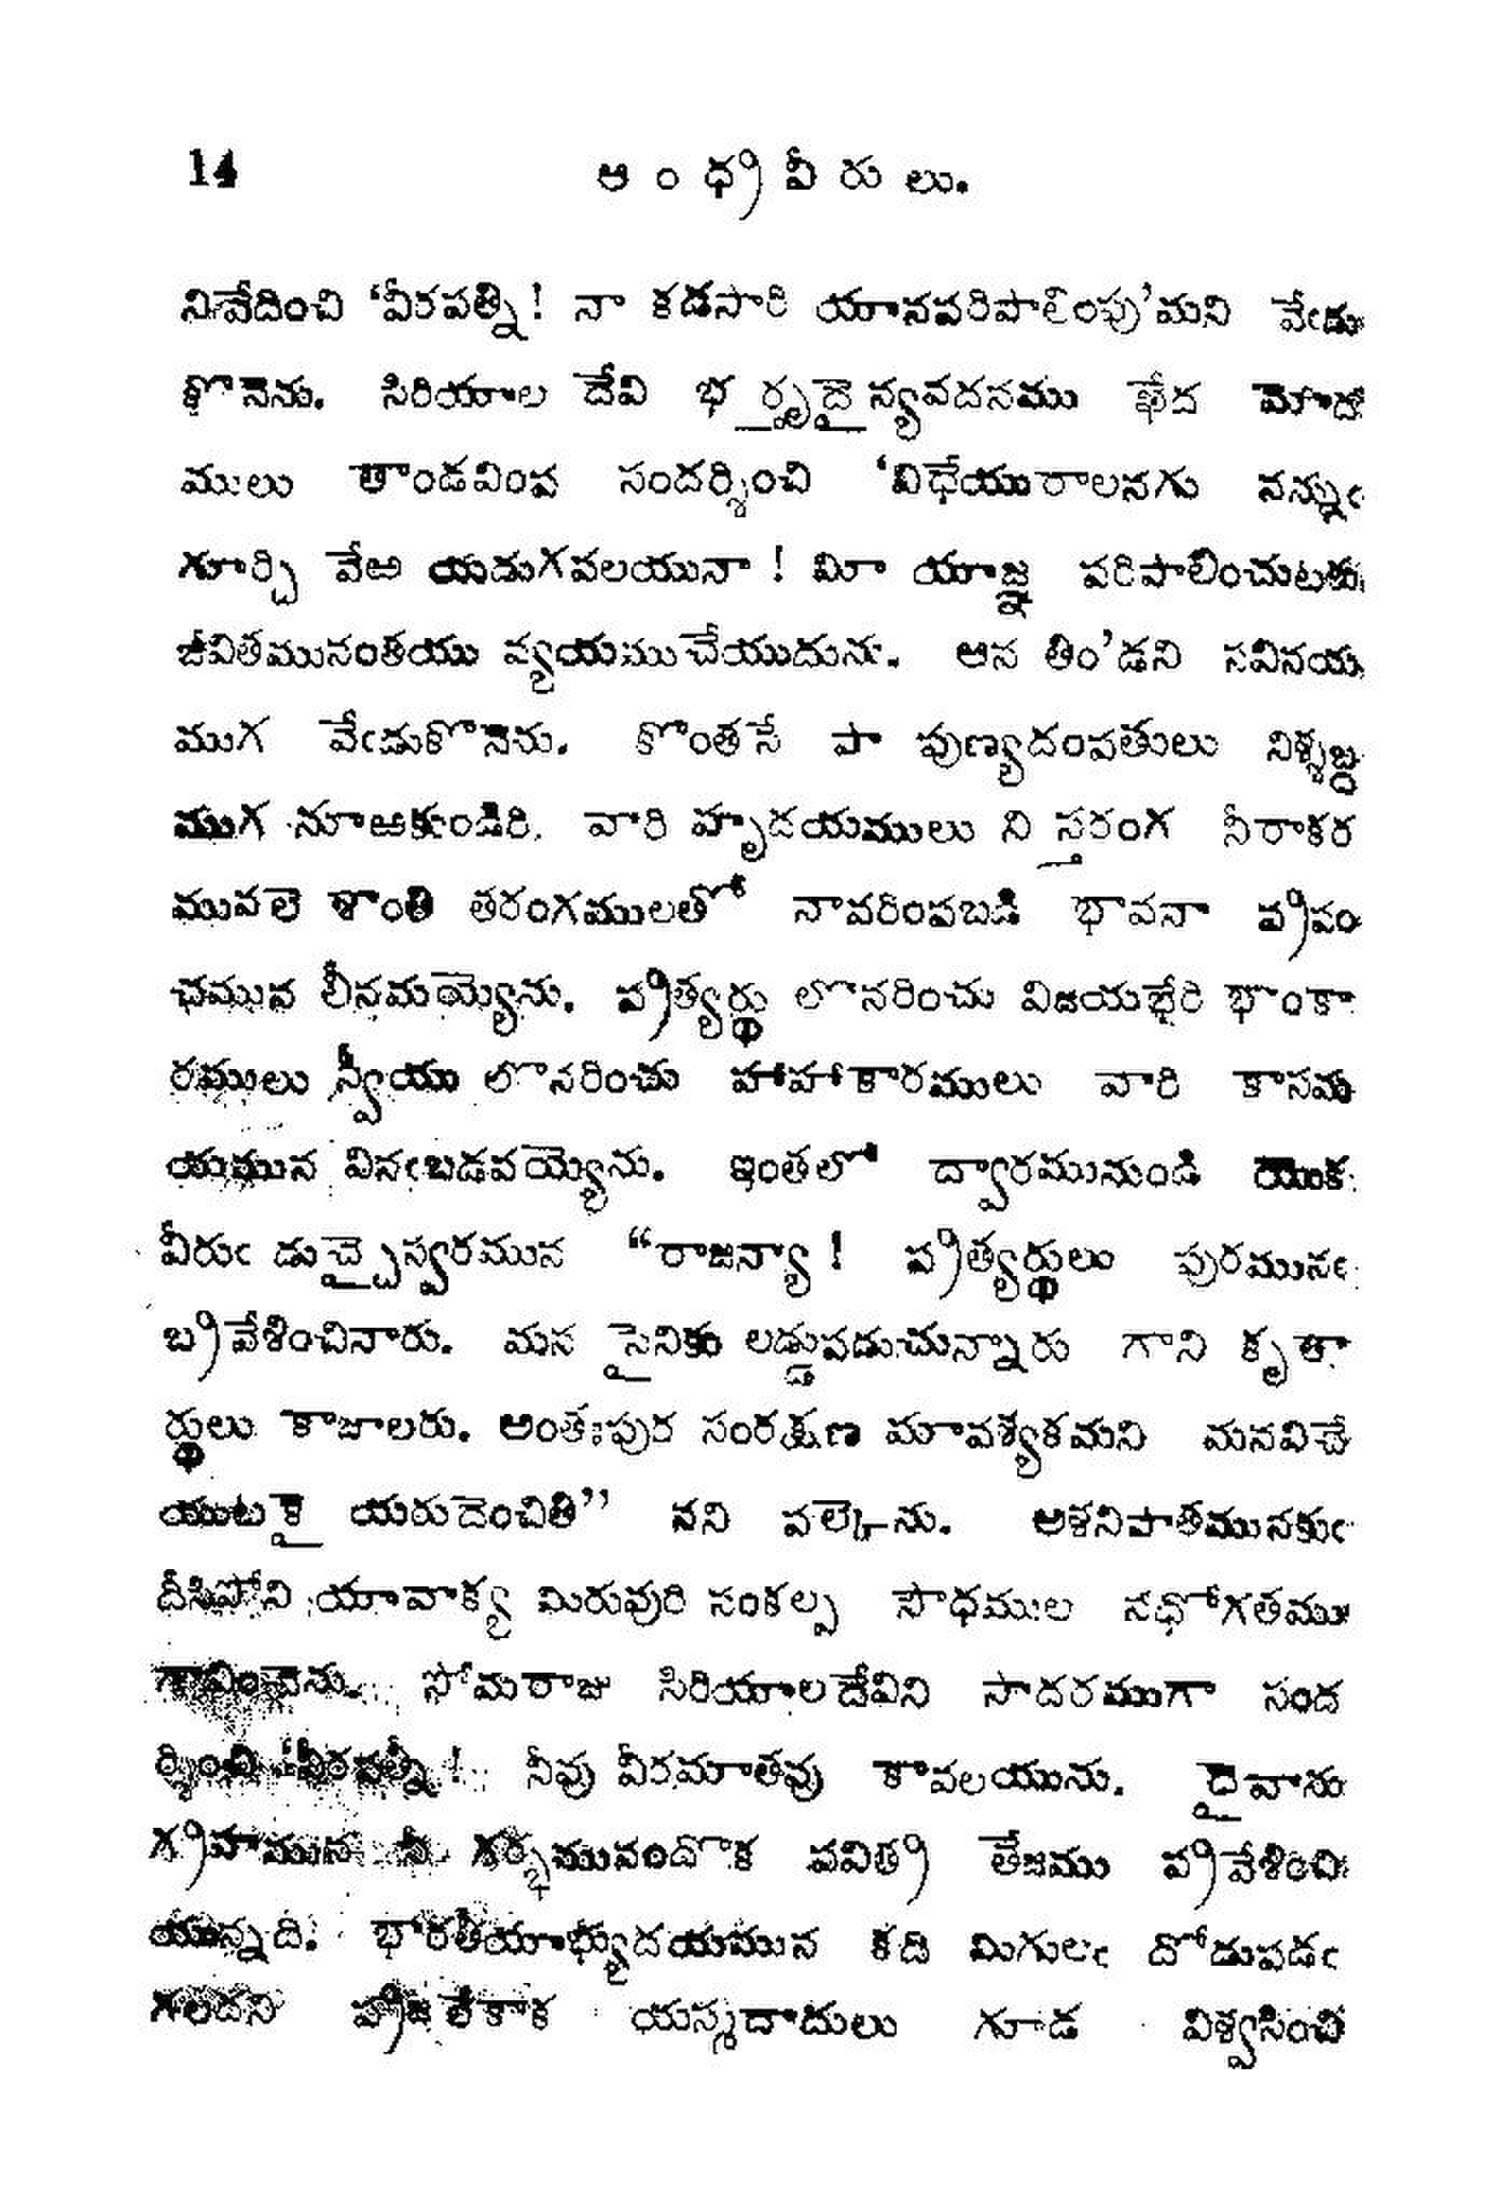నివేదించి 'వీరపత్ని! నా కడసారి యానపరిపాలింపు'మని వేడుకొనెను. సిరియాల దేవి భర్తృదైన్యవదనము ఖేద మోదములు తాండవింప సందర్శించి 'విధేయురాలనగు నన్ను గూర్చి వేఱ యడుగవలయునా! మీ యాజ్ఞ పరిపాలించుటకు జీవితమునంతయు వ్యయము చేయుదును. ఆనతిం'డని సవినయముగ వేడుకొనెను. కొంతసే పా పుణ్యదంపతులు నిశ్శబ్దముగ నూఱకుండిరి. వారి హృదయములు నిస్తరంగ నీరాకరమువలె శాంతి తరంగములతో నావరింపబడి భావనా ప్రపంచమున లీనమయ్యెను. ప్రత్యర్థు లొనరించు విజయభేరి భాంకారములు స్వీయు లొనరించు హాహాకారములు వారి కాసమయమున వినబడవయ్యెను. ఇంతలో ద్వారమునుండి యొక వీరు డుచ్చైస్వరమున "రాజన్యా! ప్రత్యర్థులు పురమున బ్రవేశించినారు. మన సైనికు లడ్డుపడుచున్నారు గాని కృతార్థులు కాజాలరు. అంత:పుర సంరక్షణ మావశ్యకమని మనవిచేయుటకై యరుదెంచితి" నని పల్కెను. అశనిపాతమునకు దీసిపోని యావాక్య మిరువురి సంకల్ప సౌధముల నధోగతము గావించెను. సోమరాజు సిరియాలదేవిని సాదరముగా సందర్శించి వీరపత్నీ! నీవు వీరమాతవు కావలయును. దైవానుగ్రహమున నీ గర్భమునందొక పవిత్ర తేజము ప్రవేశించియున్నది. భారతీయాభ్యుదయమున కది మిగుల దోడుపడగలదని ప్రజలేకాక యస్మదాదులు గూడ విశ్వసించి